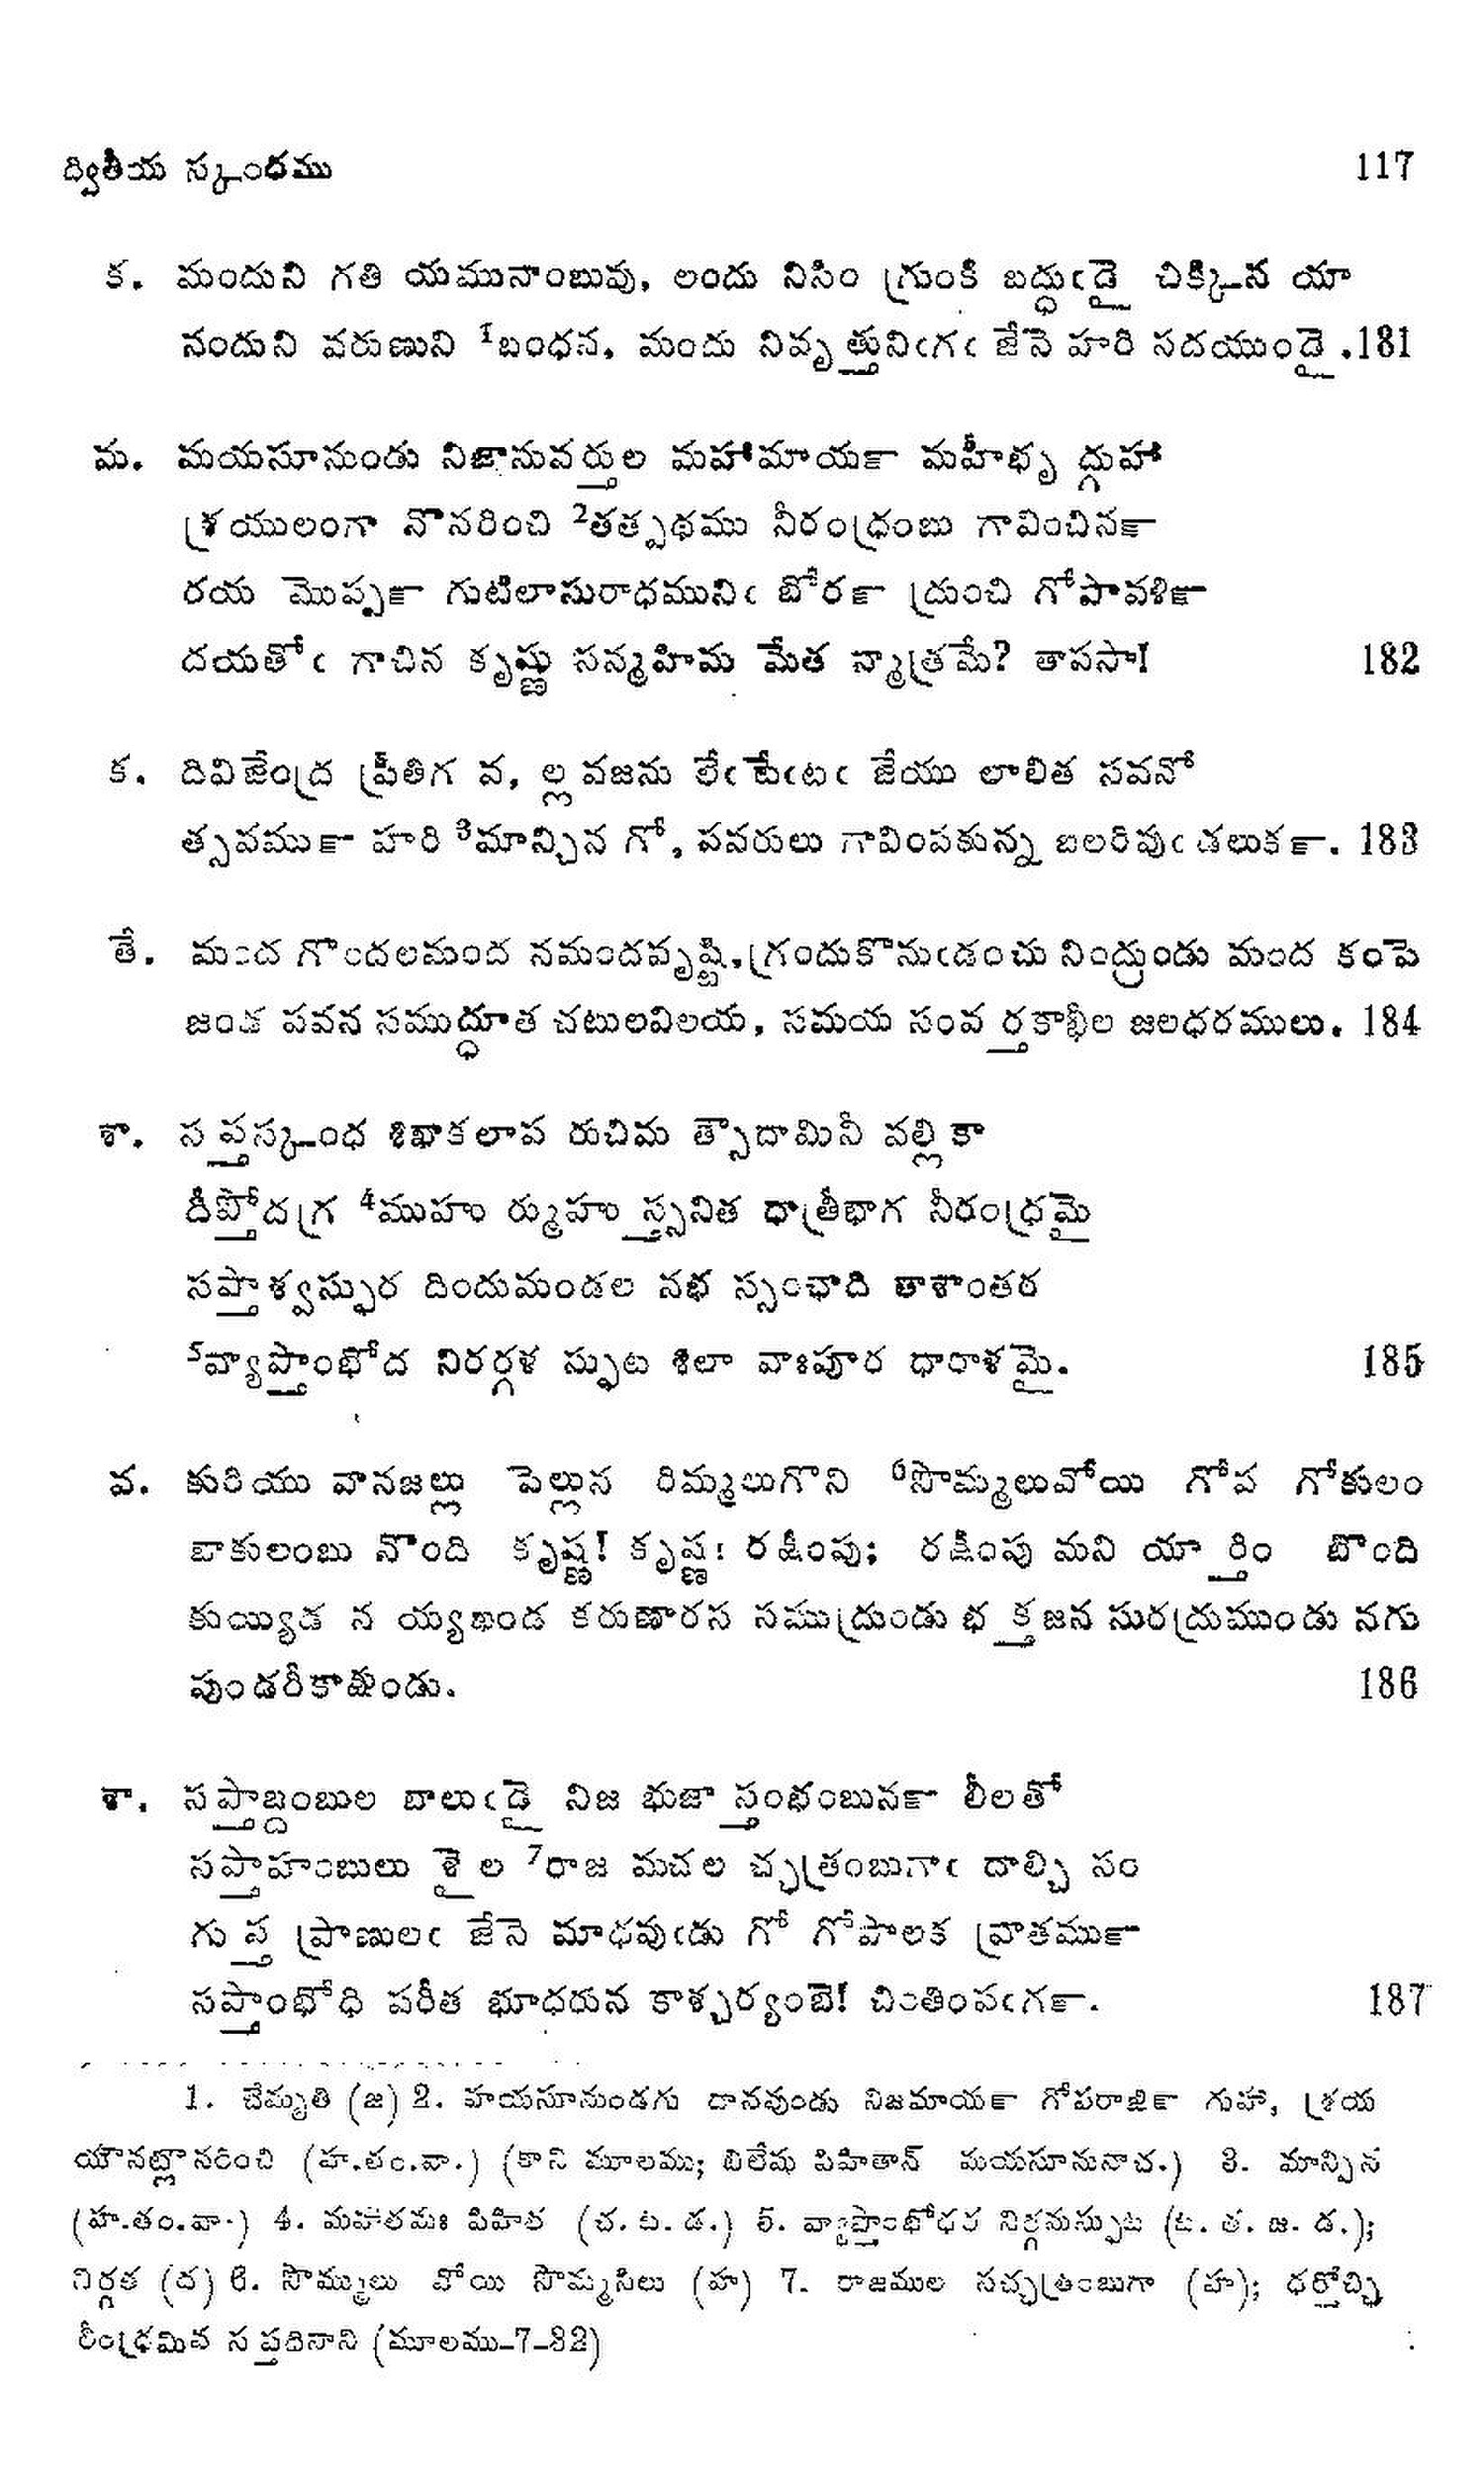117

క. మందుని గతి యమునాంబువు, లందు నిసిం గ్రుంకి బద్ధుఁడై చిక్కిన యా

నందుని వరుణుని బంధన, మందు నివృత్తునిఁగఁ జేసె హరి సదయుండై. ( 181 )

మ. మయసూనుండు నిజానువర్తుల మహామాయన్ మహీభృ ద్గుహ

శ్రయులంగా నొనరించి తత్ఫథము నీరంధ్రంబు గావించినన్

రయ మొప్పన్ గుటిలాసురాధమునిఁ బోరన్ ద్రుంచి గోపావళిన్

దయతోఁ గాచిన కృష్ణు సన్మహిమ మేత న్మాత్రమే? తాపసా! ( 182 )

క. దివిజేంద్ర ప్రీతిగ వ, ల్లవజను లేఁటేఁటఁ జేయు లాలిత సవనో

త్సవమున్ హరి మాన్చిన గో, పవరులు గావింపకున్నబలరిపుఁడలుకన్. ( 183 )

తే. మంద గొందలమంద నమందవృష్టి, గ్రందుకొనుఁడంచు నింద్రుండు మంద కంపె

జండ పవన సముద్ధూత చటులవిలయ, సమయ సంవర్తకాభీల జలధరములు. ( 184 )

శా. సప్తస్కంధ శిఖాకలాప రుచిమ త్సౌదామినీ వల్లికా

దీప్తదగ్ర ముహు ర్ముహుస్స్తనిత ధాత్రీభాగ నీరంధ్రమై

సప్తాశ్వస్ఫుర దిందుమండల నభ స్సంఛాది తాశాంతర

వ్యాప్తాంభోద నిరర్గళ స్ఫుట శిలా వా:పూర ధారాళమై. ( 185 )

వ. కురియు వానజల్లు పెల్లున రిమ్మలుగొని సొమ్మలువోయి గోప గోకులం బాకులంబు నొంది కృష్ణ! కృష్ణ! రక్షింపు; రక్షింపు మని యార్తిం బొందికుయ్యిడన య్యఖండ కరుణారస సముద్రుండు భక్తజన సురద్రుముండు నగు పుండరీ కాక్షుండు. ( 186 )

 
శా. సప్తాబ్దంబుల బాలుఁడై నిజ భుజా స్తంభంబునన్ లీలతో

సప్తాహంబులు శైల రాజ మచల చ్చత్రంబుగాఁదాల్చి సం

గుప్త ప్రాణులఁ జేసె మాధవుఁడు గో గోపాలక వ్రాతమున్

సప్తాంభోధి పరీత భూధరున కాశ్చర్యంబె! చింతింపఁగన్. ( 187 )